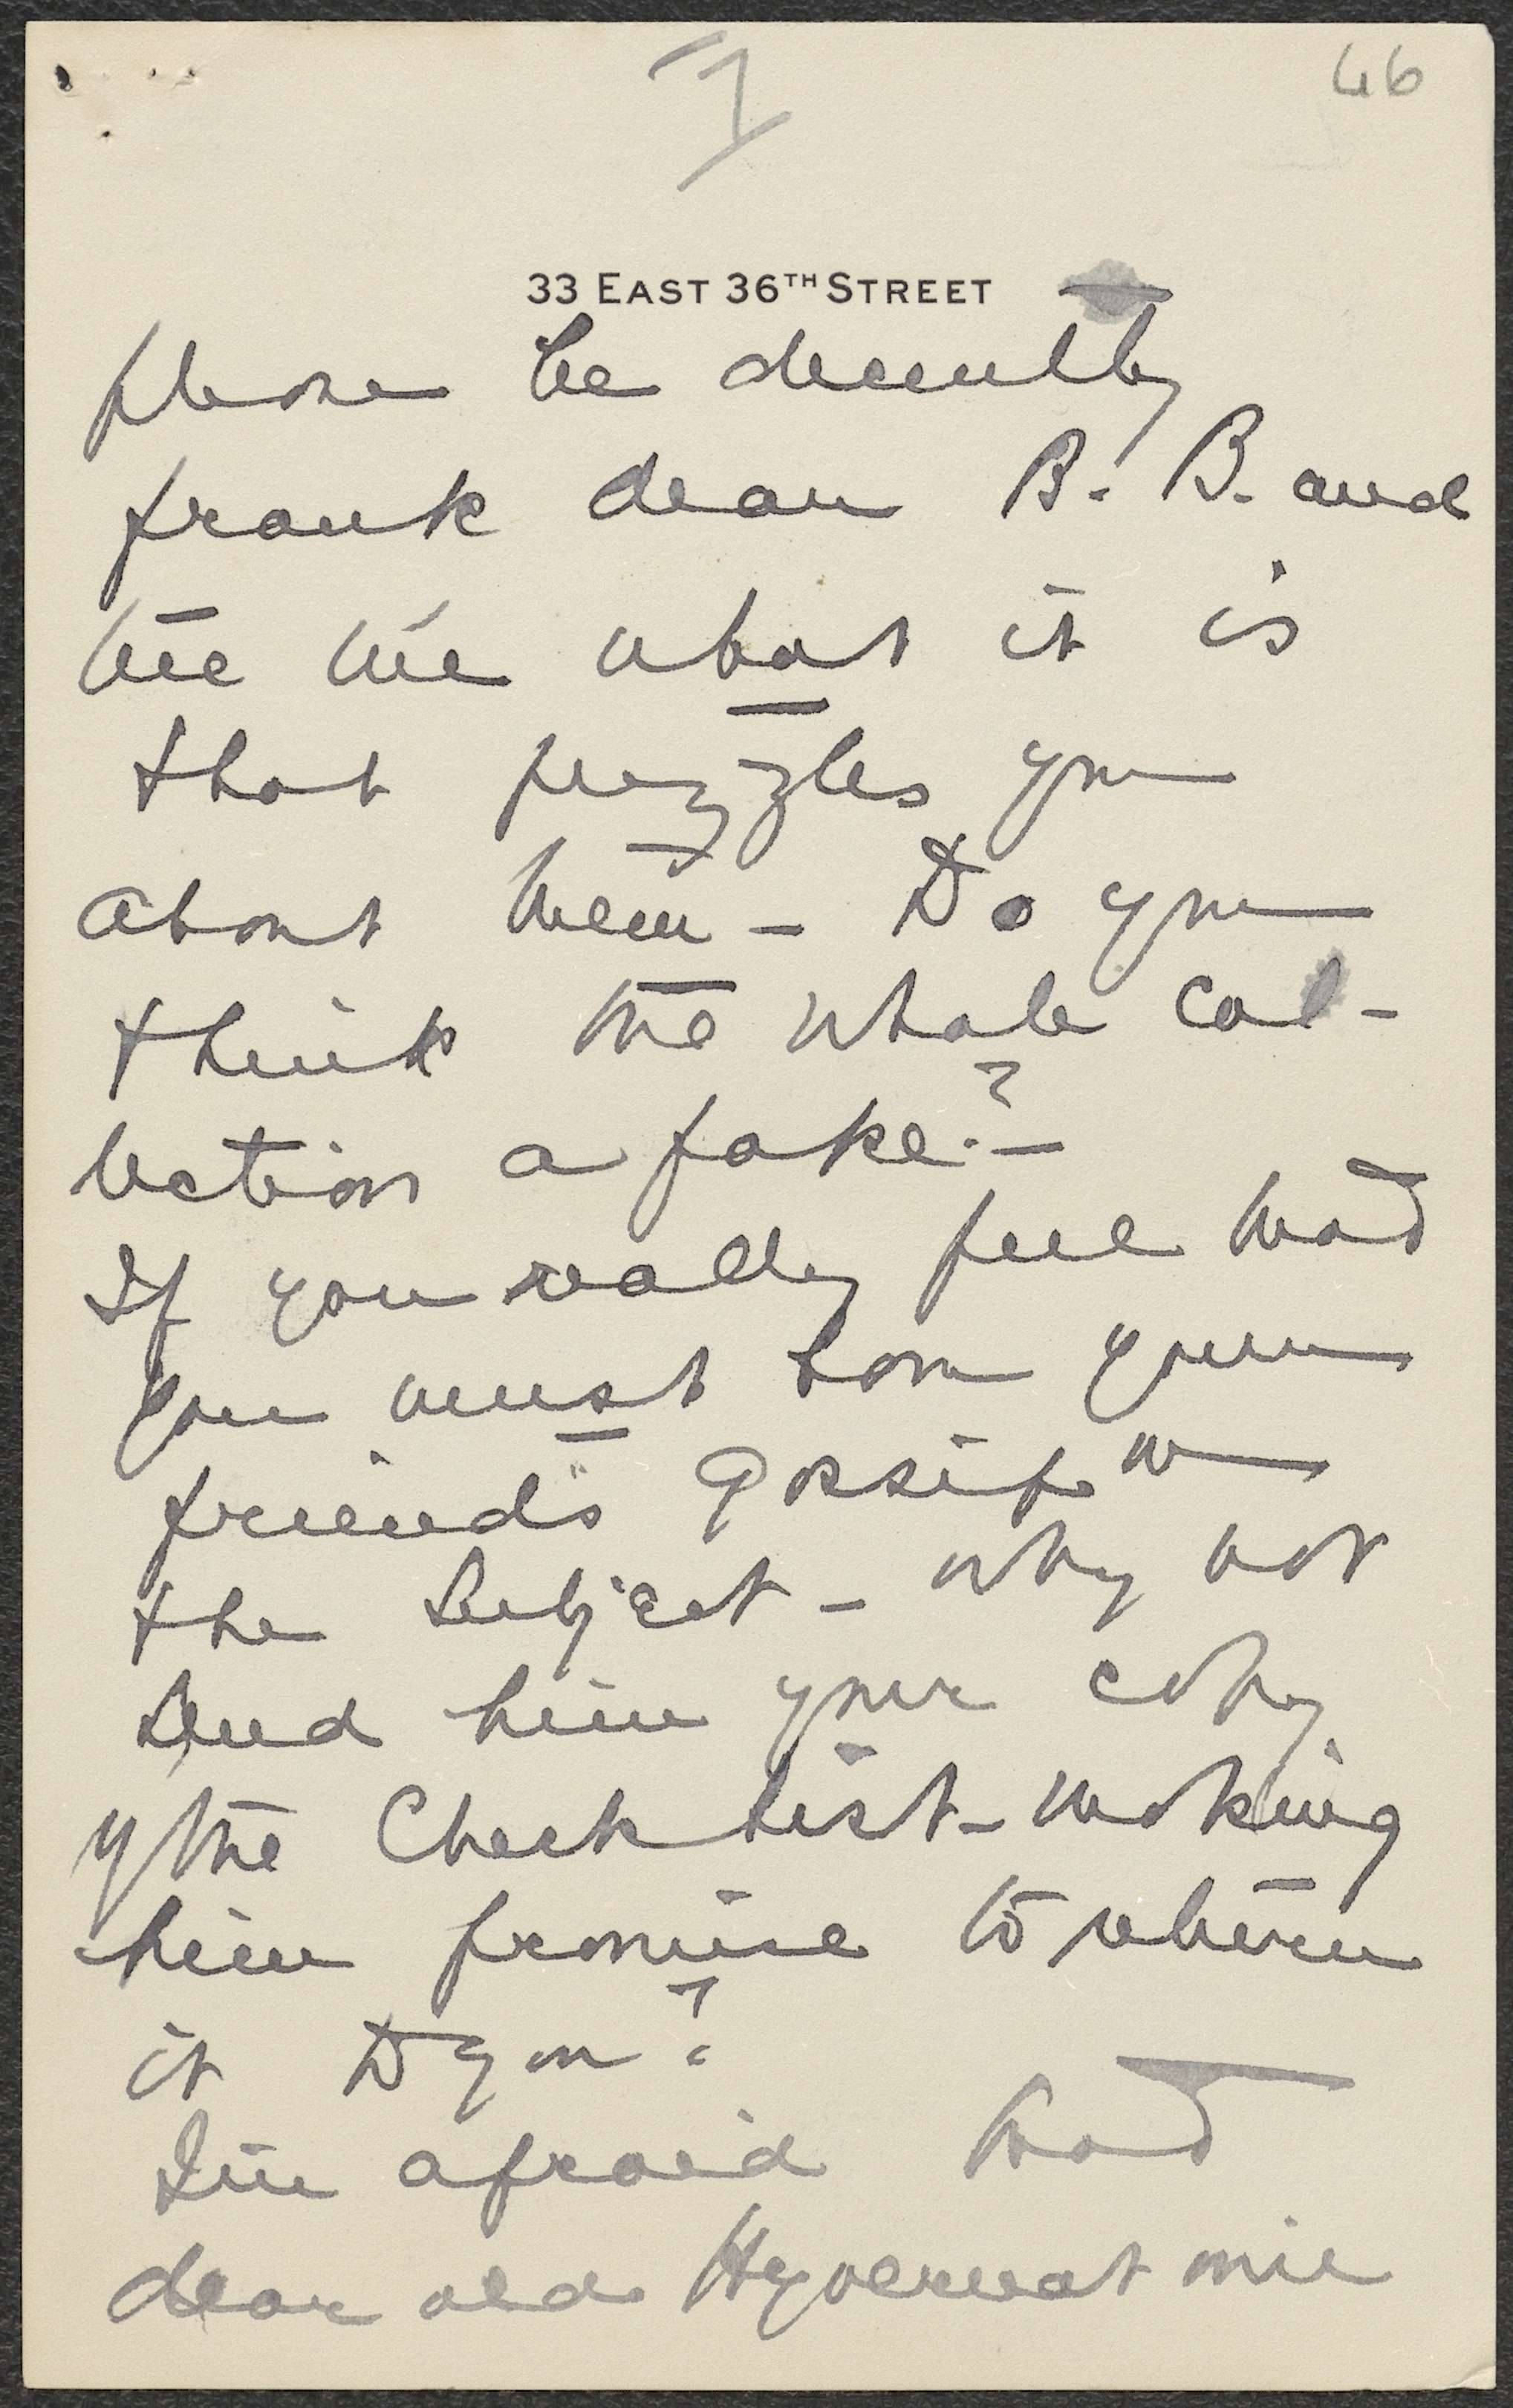please be decently frank dear B.B. and tell me what it is that puzzles you about them? – Do you think the whole collection a fake? –
If you really feel that you must have your friends gossip on the subject – why not send him your cut of the check list – making him promise to return it to you?
I'm afraid that dear old Hyvernat will